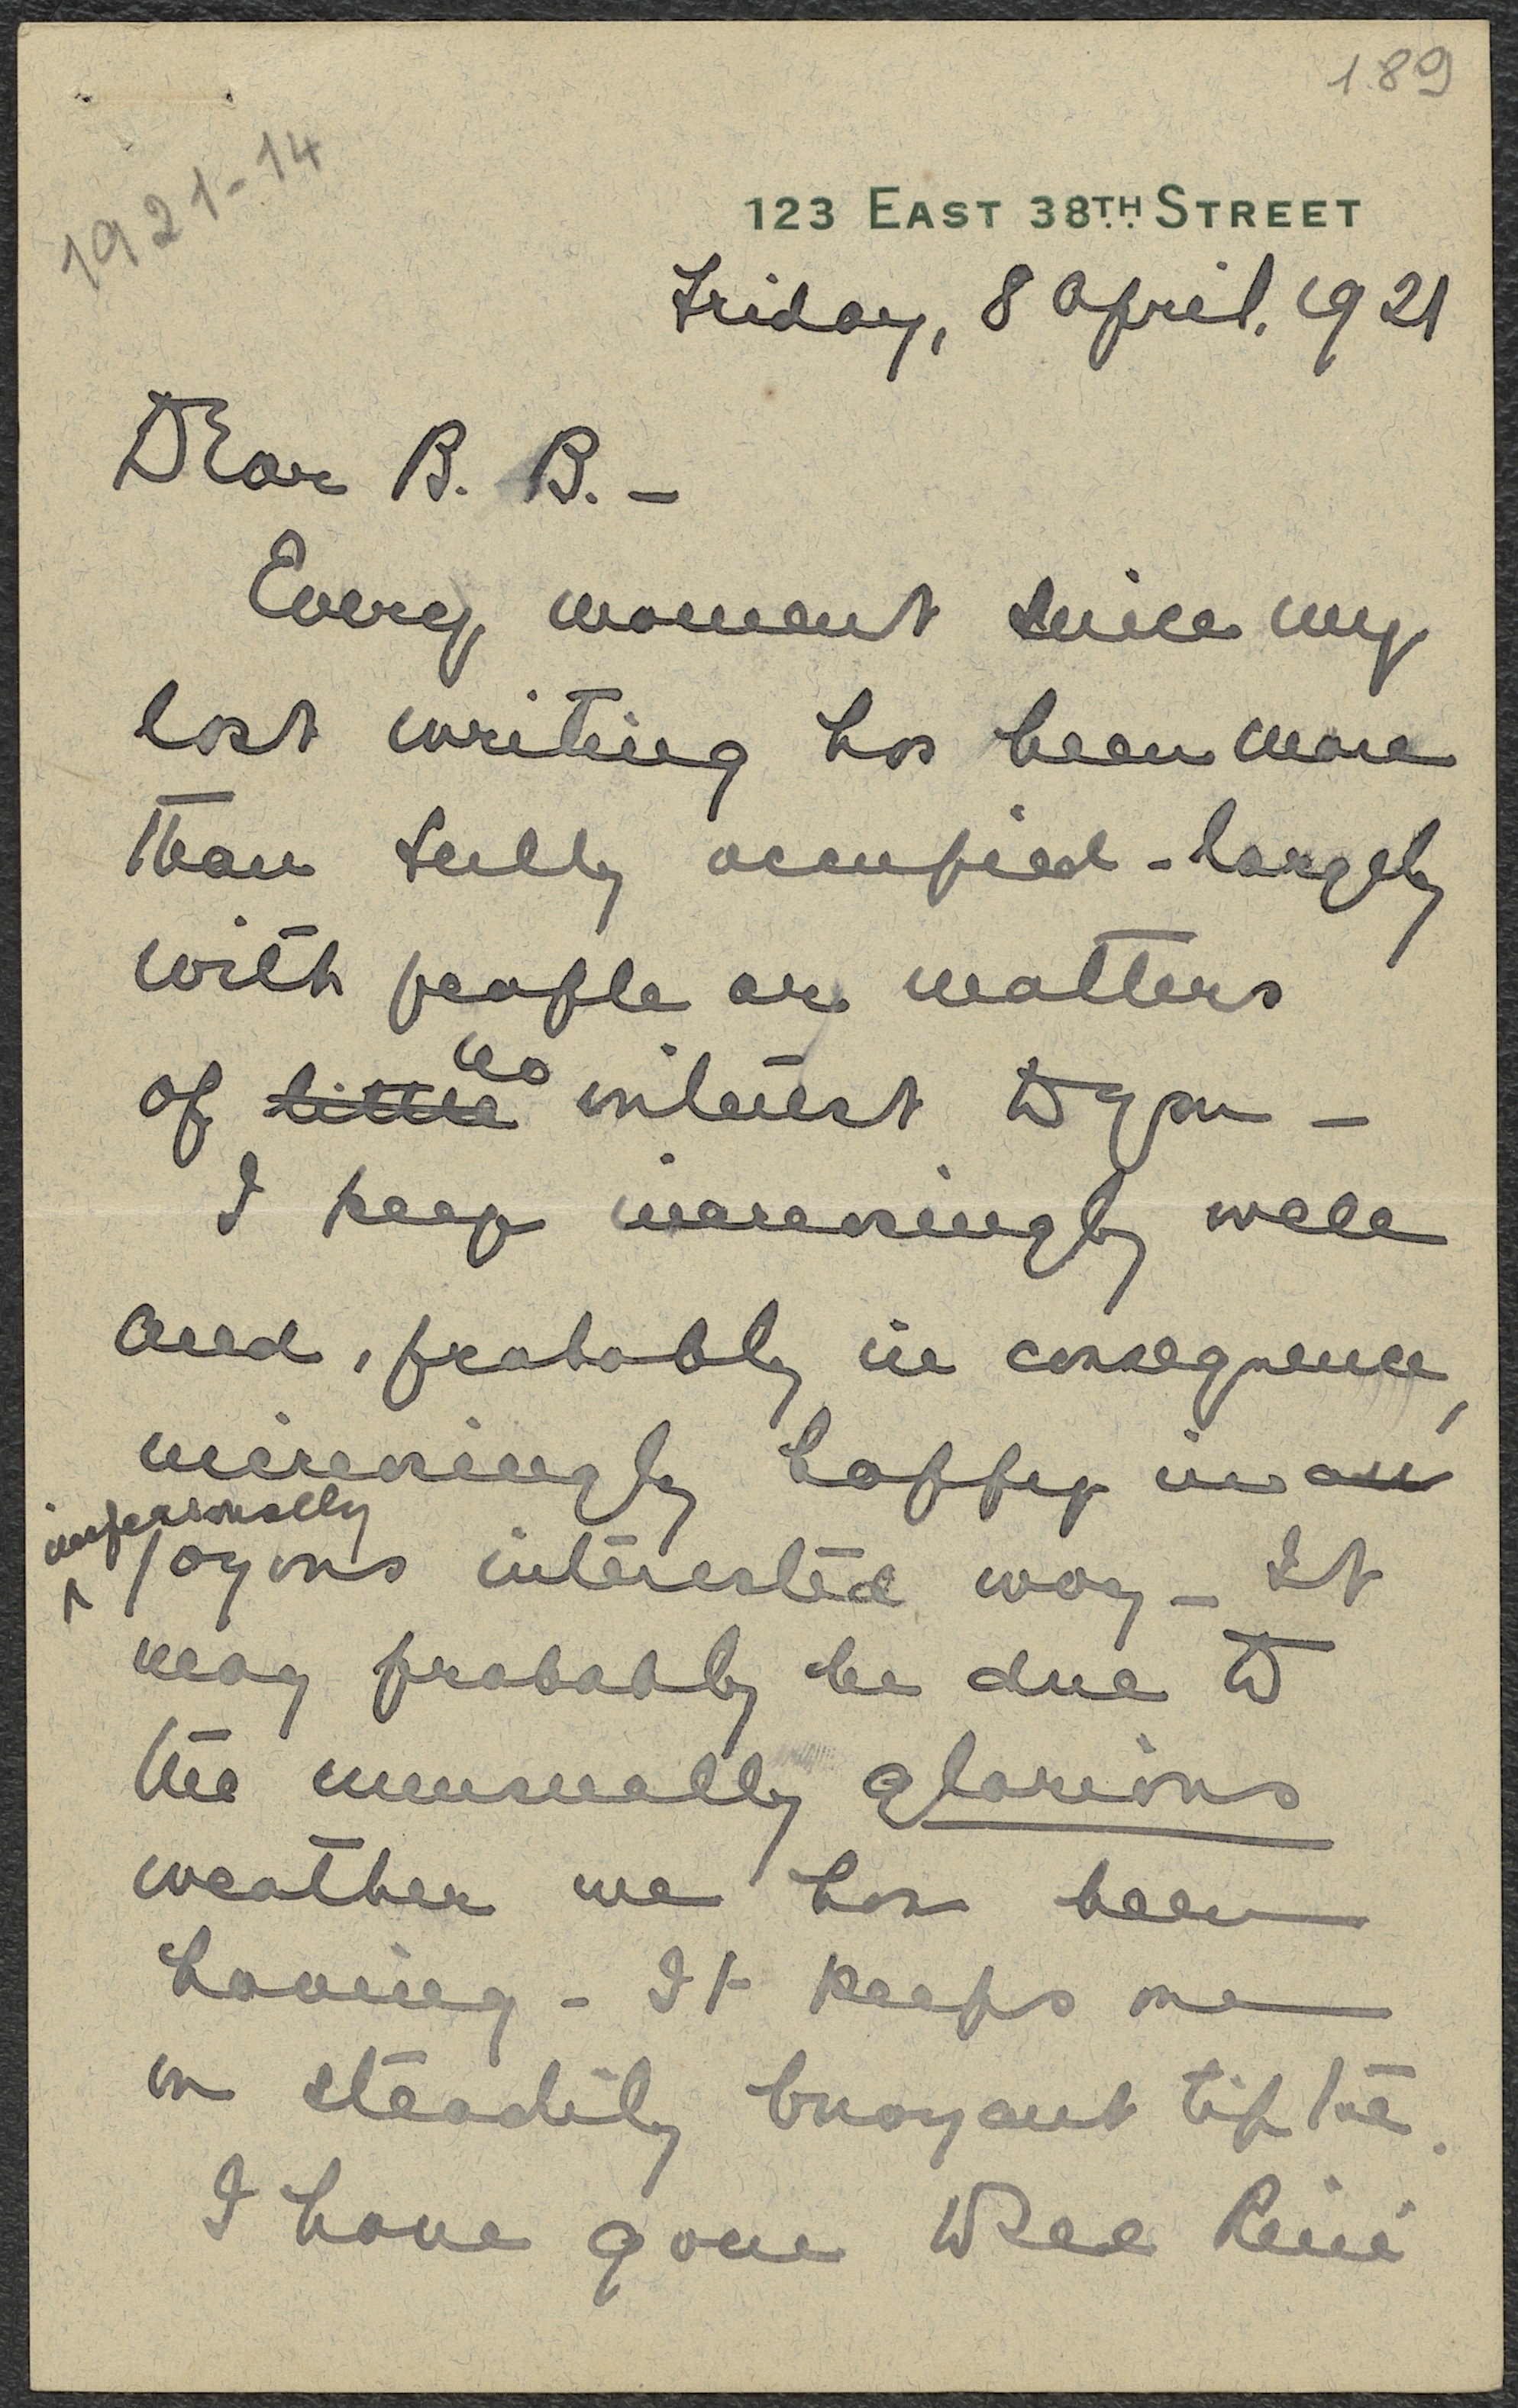Friday, 8 April, 1921
Dear B.B. –
Every moment since my last writing has been more than fully occupied – largely with people or matters of little [^no^] interest to you –
I keep increasingly well and, probably in consequence, increasingly happy in an [^impersonally^] joyous interested way – It may probably be due to the unusually glorious weather we have been having – It keeps me on steadily buoyant tiptoe.
I have gone to see René